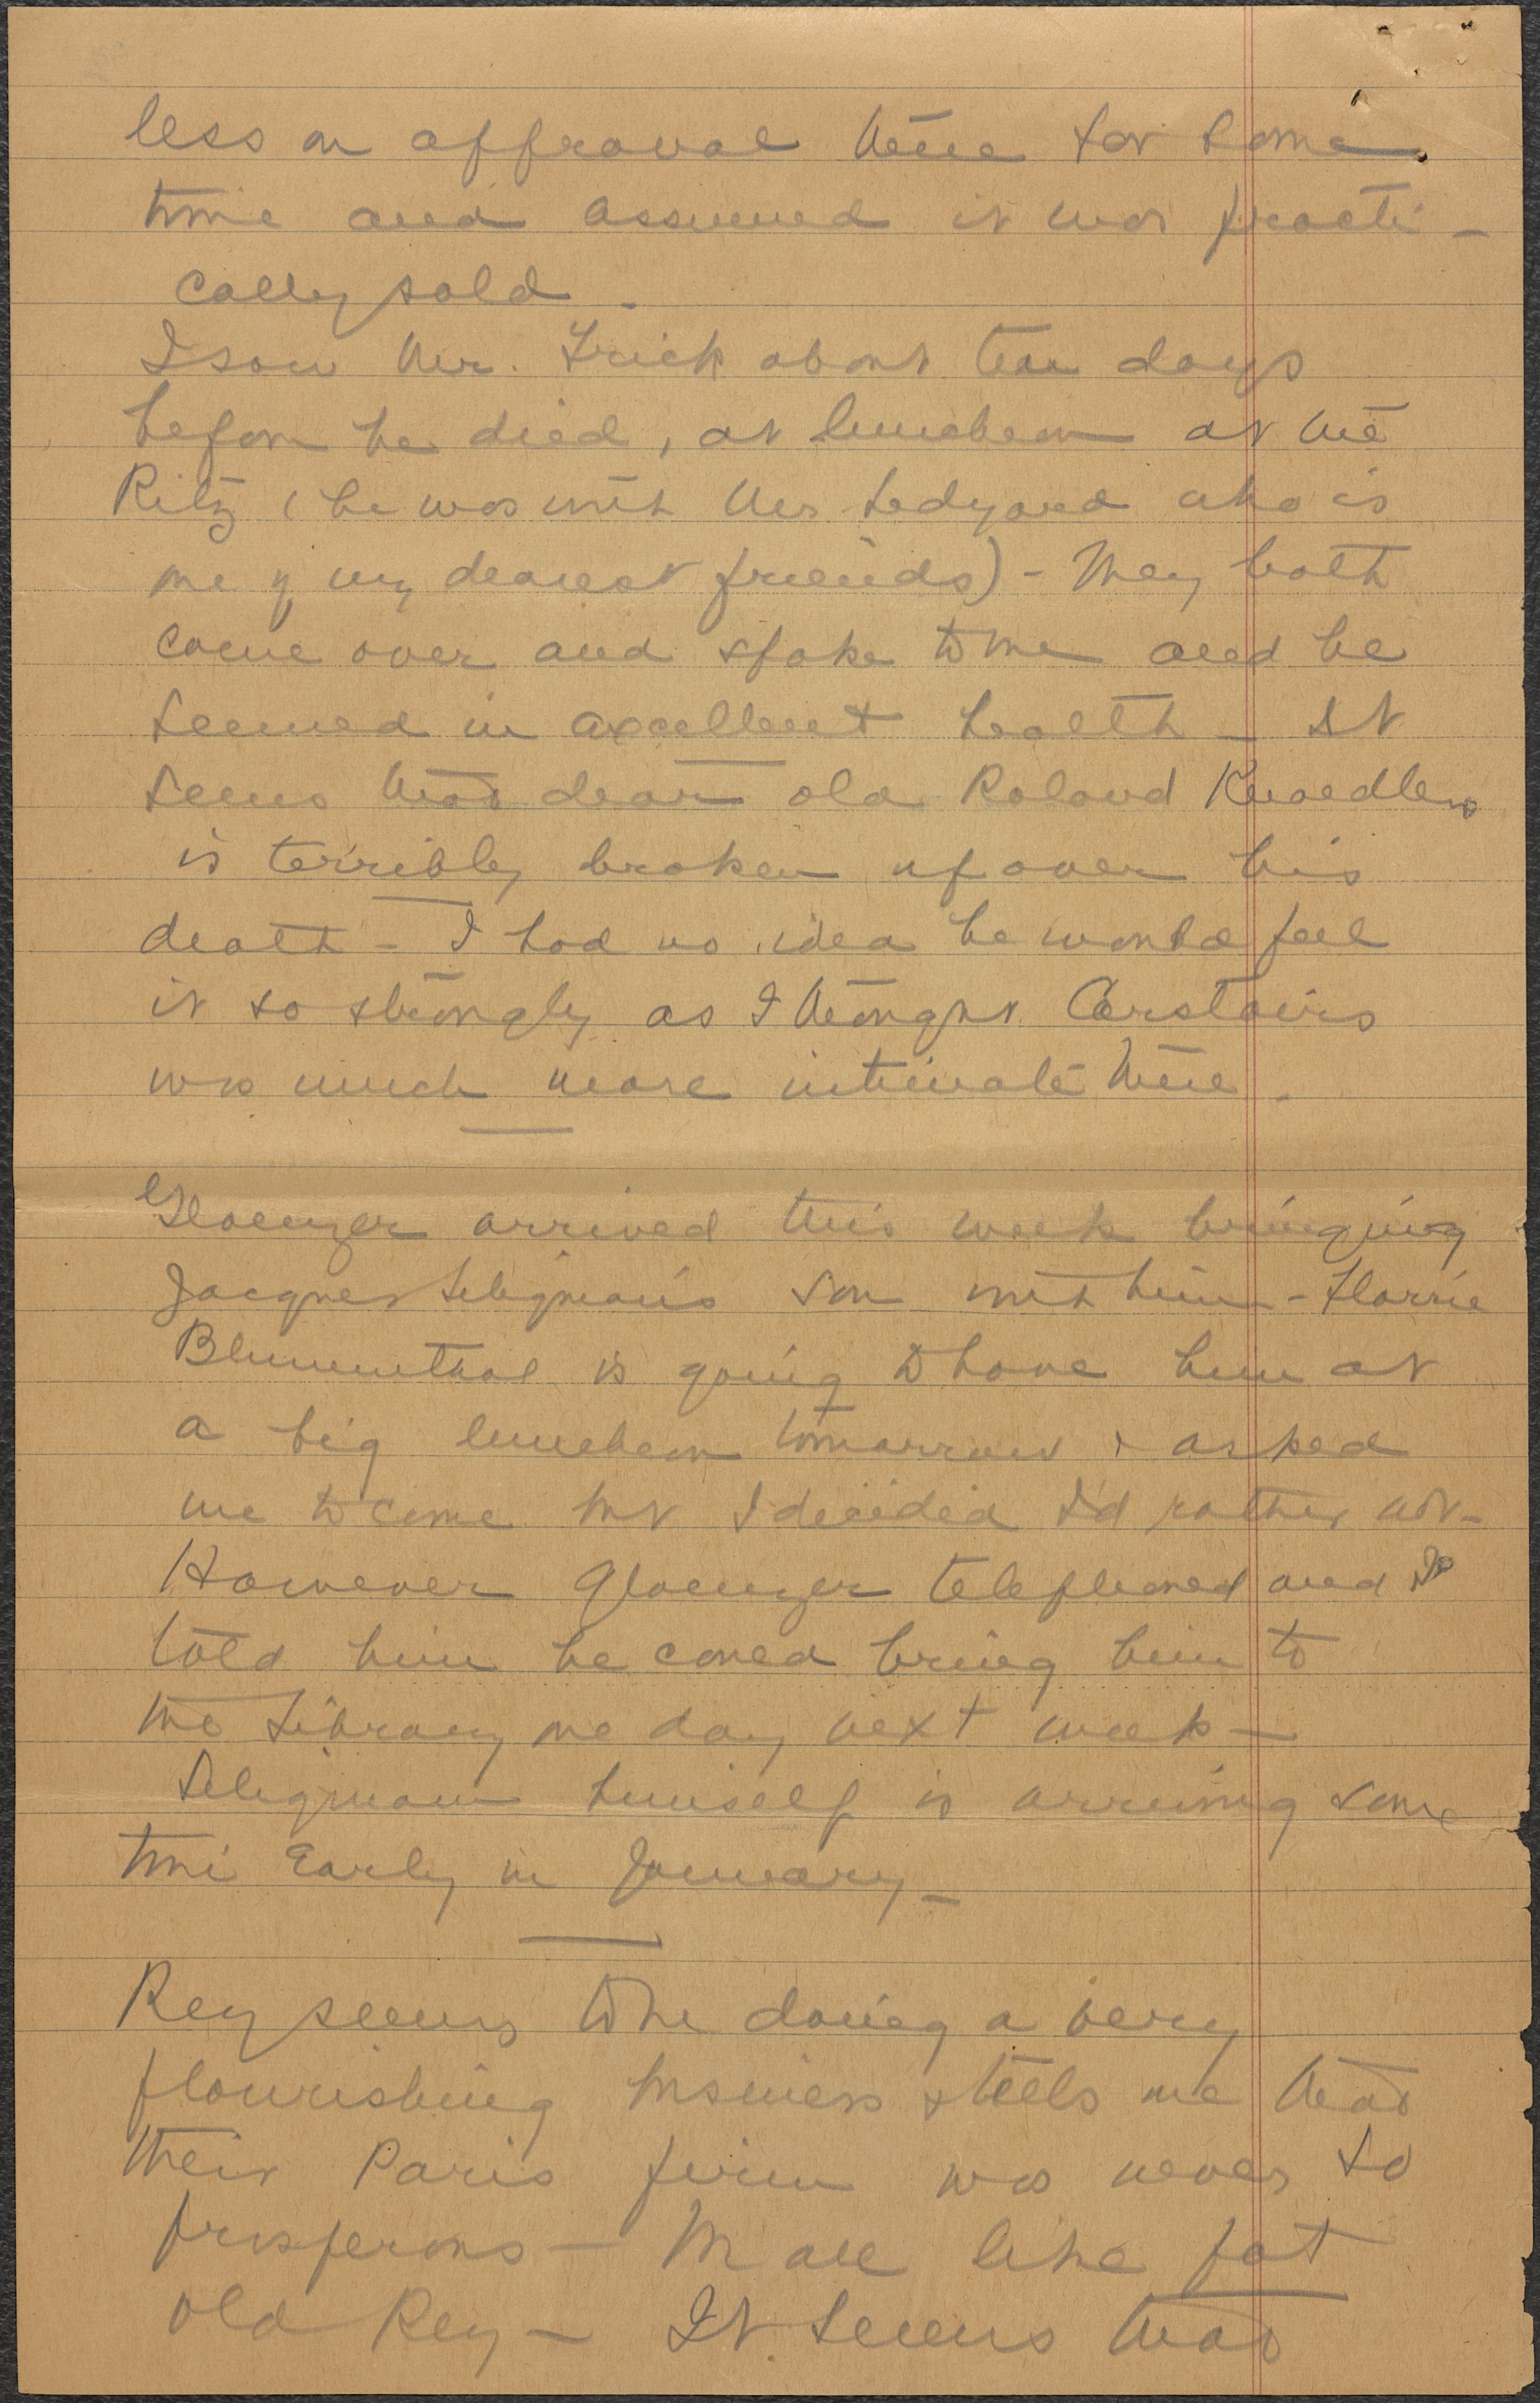less on approval there for some time and assumed it was practically sold.
I saw Mr. Frick about ten days before he died, at luncheon at the Ritz (he was with Mrs. Ledyard who is one of my dearest friends) – They both came over and spoke to me and he seemed in excellent health – It seems that dear old Roland Knoedler is terribly broken up over his death – I had no idea he would feel it so strongly as I thought Carstairs was much more intimate there.
Glaenzer arrived this week bringing Jacques Seligman's son with him – Florrie Blumenthal is going to have him at a big luncheon tomorrow & asked me to come but I decided I'd rather not – However Glaenzer telephoned and I told him he could bring him to the Library one day next week –
Seligmann himself is arriving some time early in January –
Rey seems to be doing a very flourishing business & tells me that their Paris firm was never so prosperous – In all like fat old Rey – It seems that